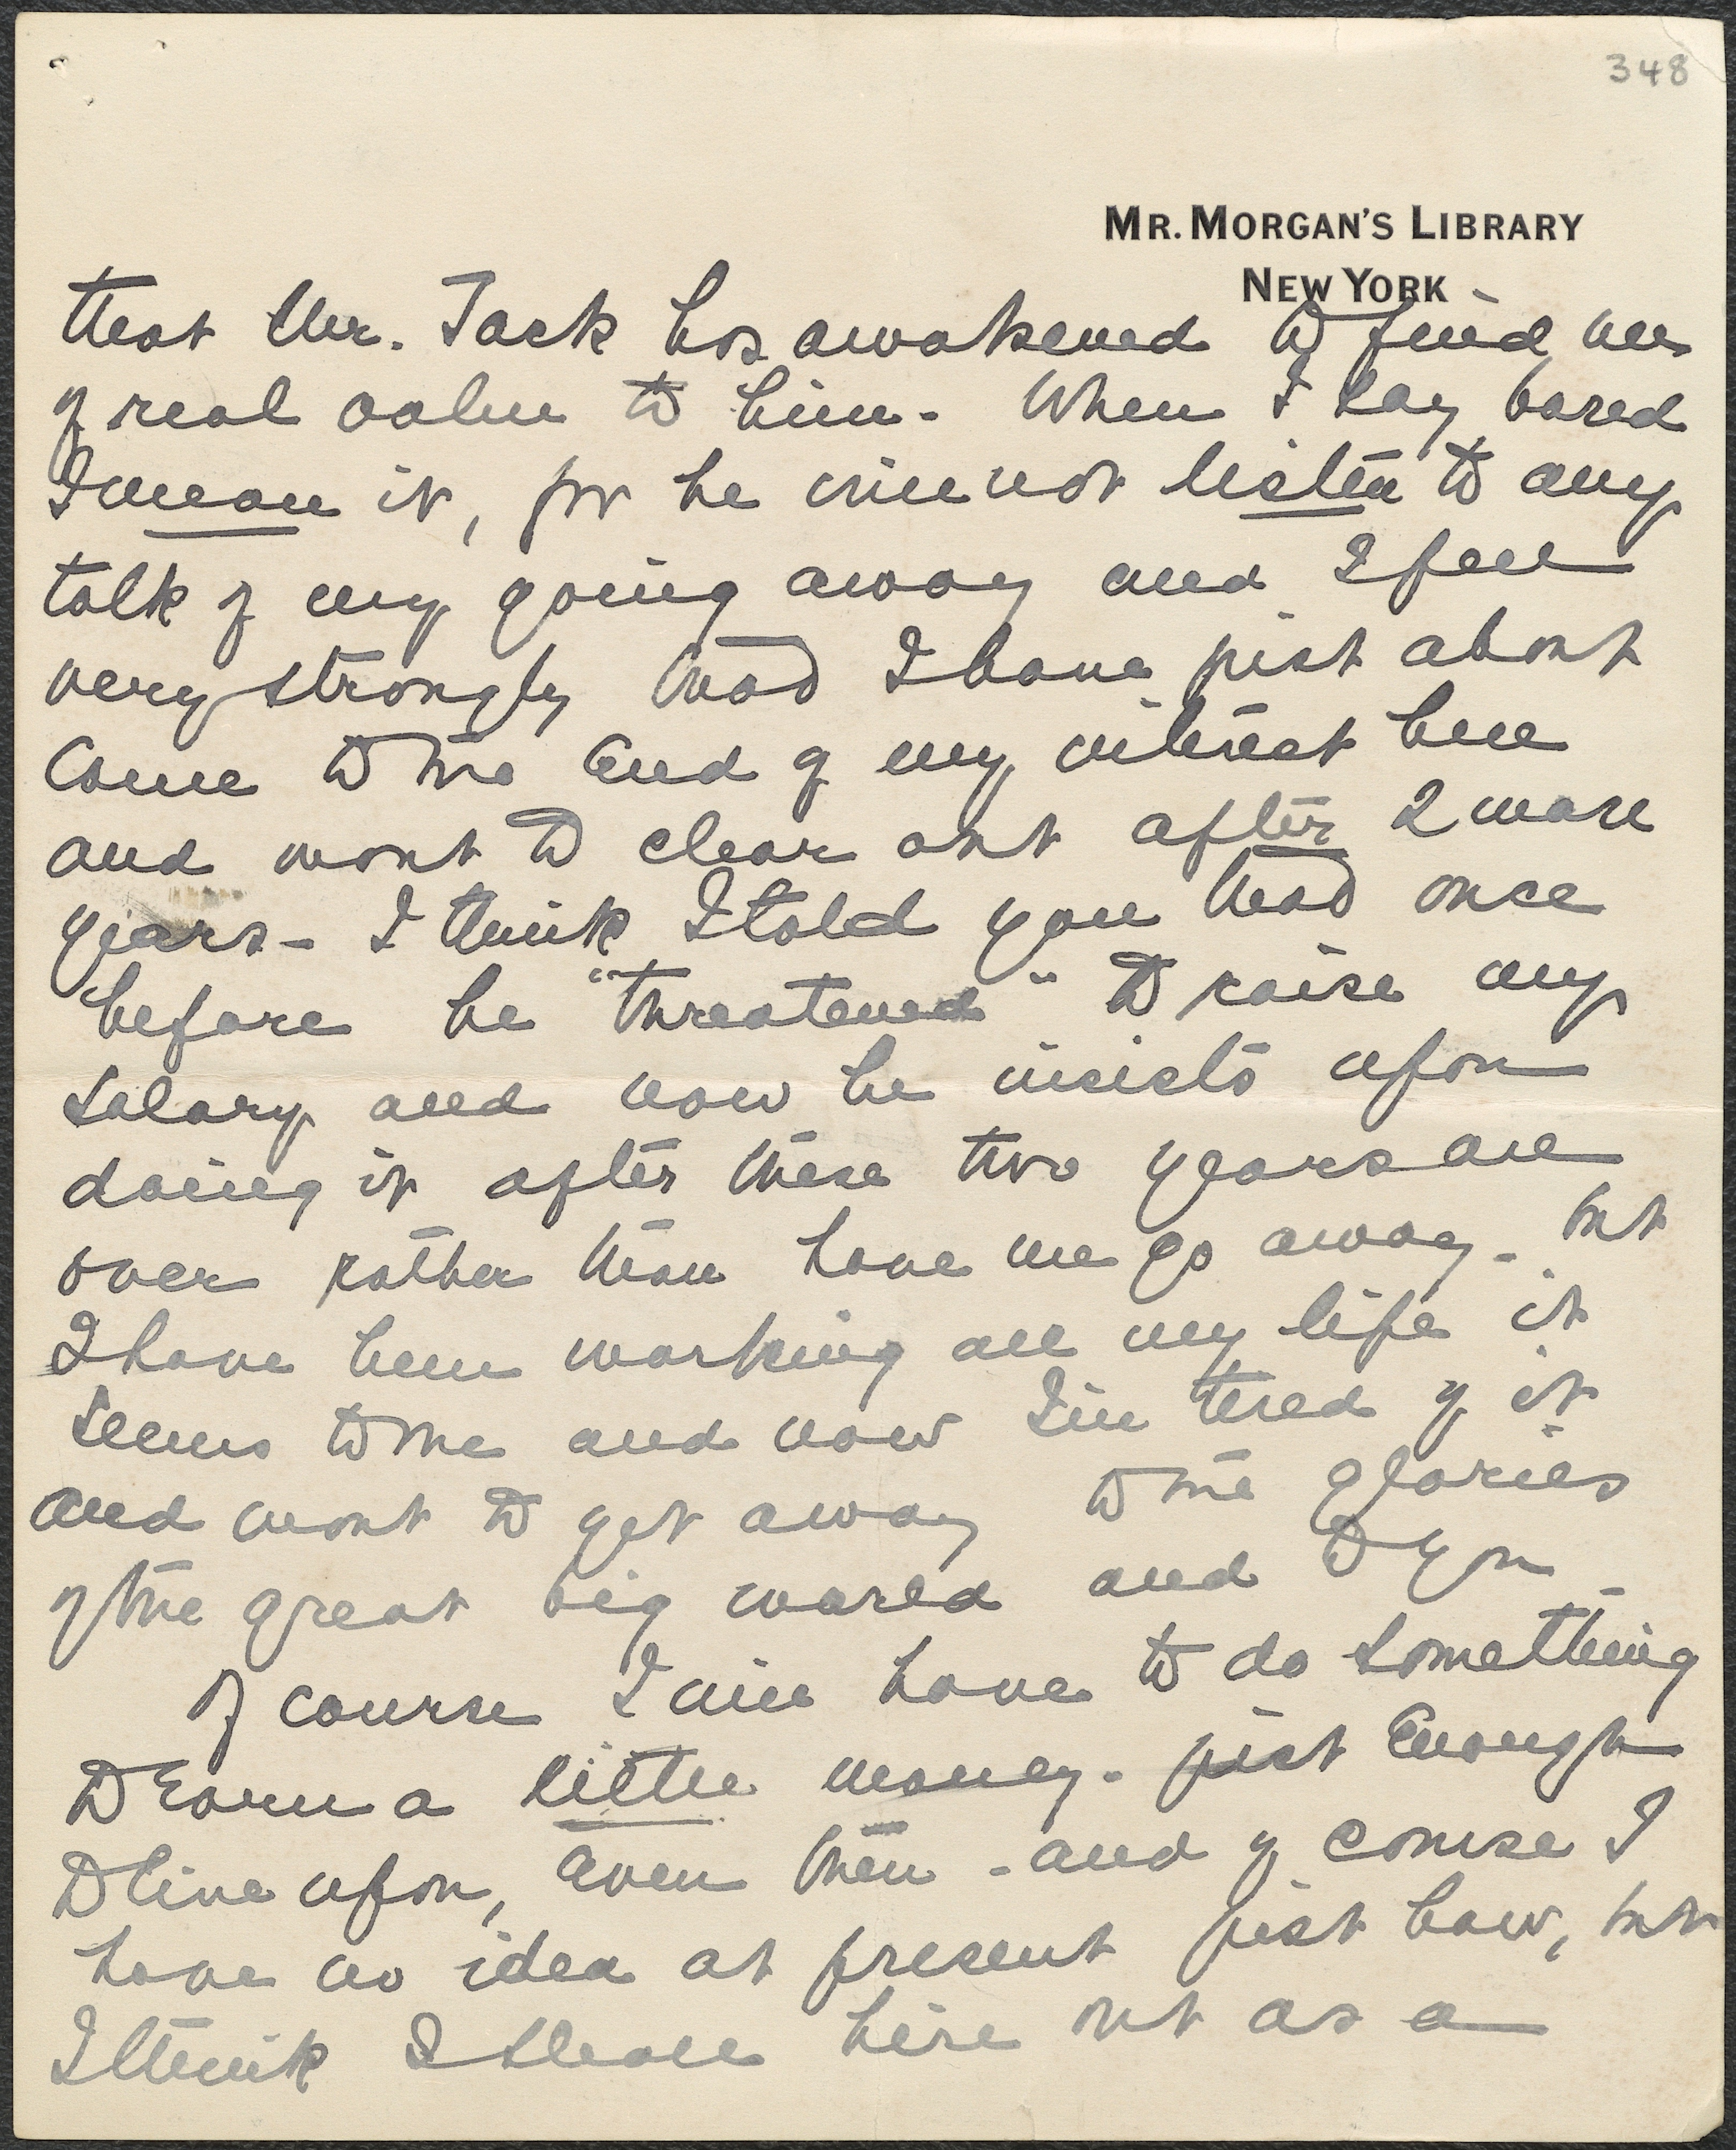that Mr. Jack has awakened to find her of real value to him. When I say bored I mean it, for he will not listen to any talk of my going away and I feel very strongly that I have just about come to the end of any interest here and want to clear out after 2 more years – I think I told you that once before he “threatened” to raise my salary and now he insists upon doing it after these two years are over rather than have me go away – but I have been working all my life it seems to me and now I’ve tired of it and want to get away to the glories of the great big world and to you –
Of course I will have to do something to earn a little money – just enough to live upon, even then – and of course I have no idea at present just how, but I think I shall hire out as a